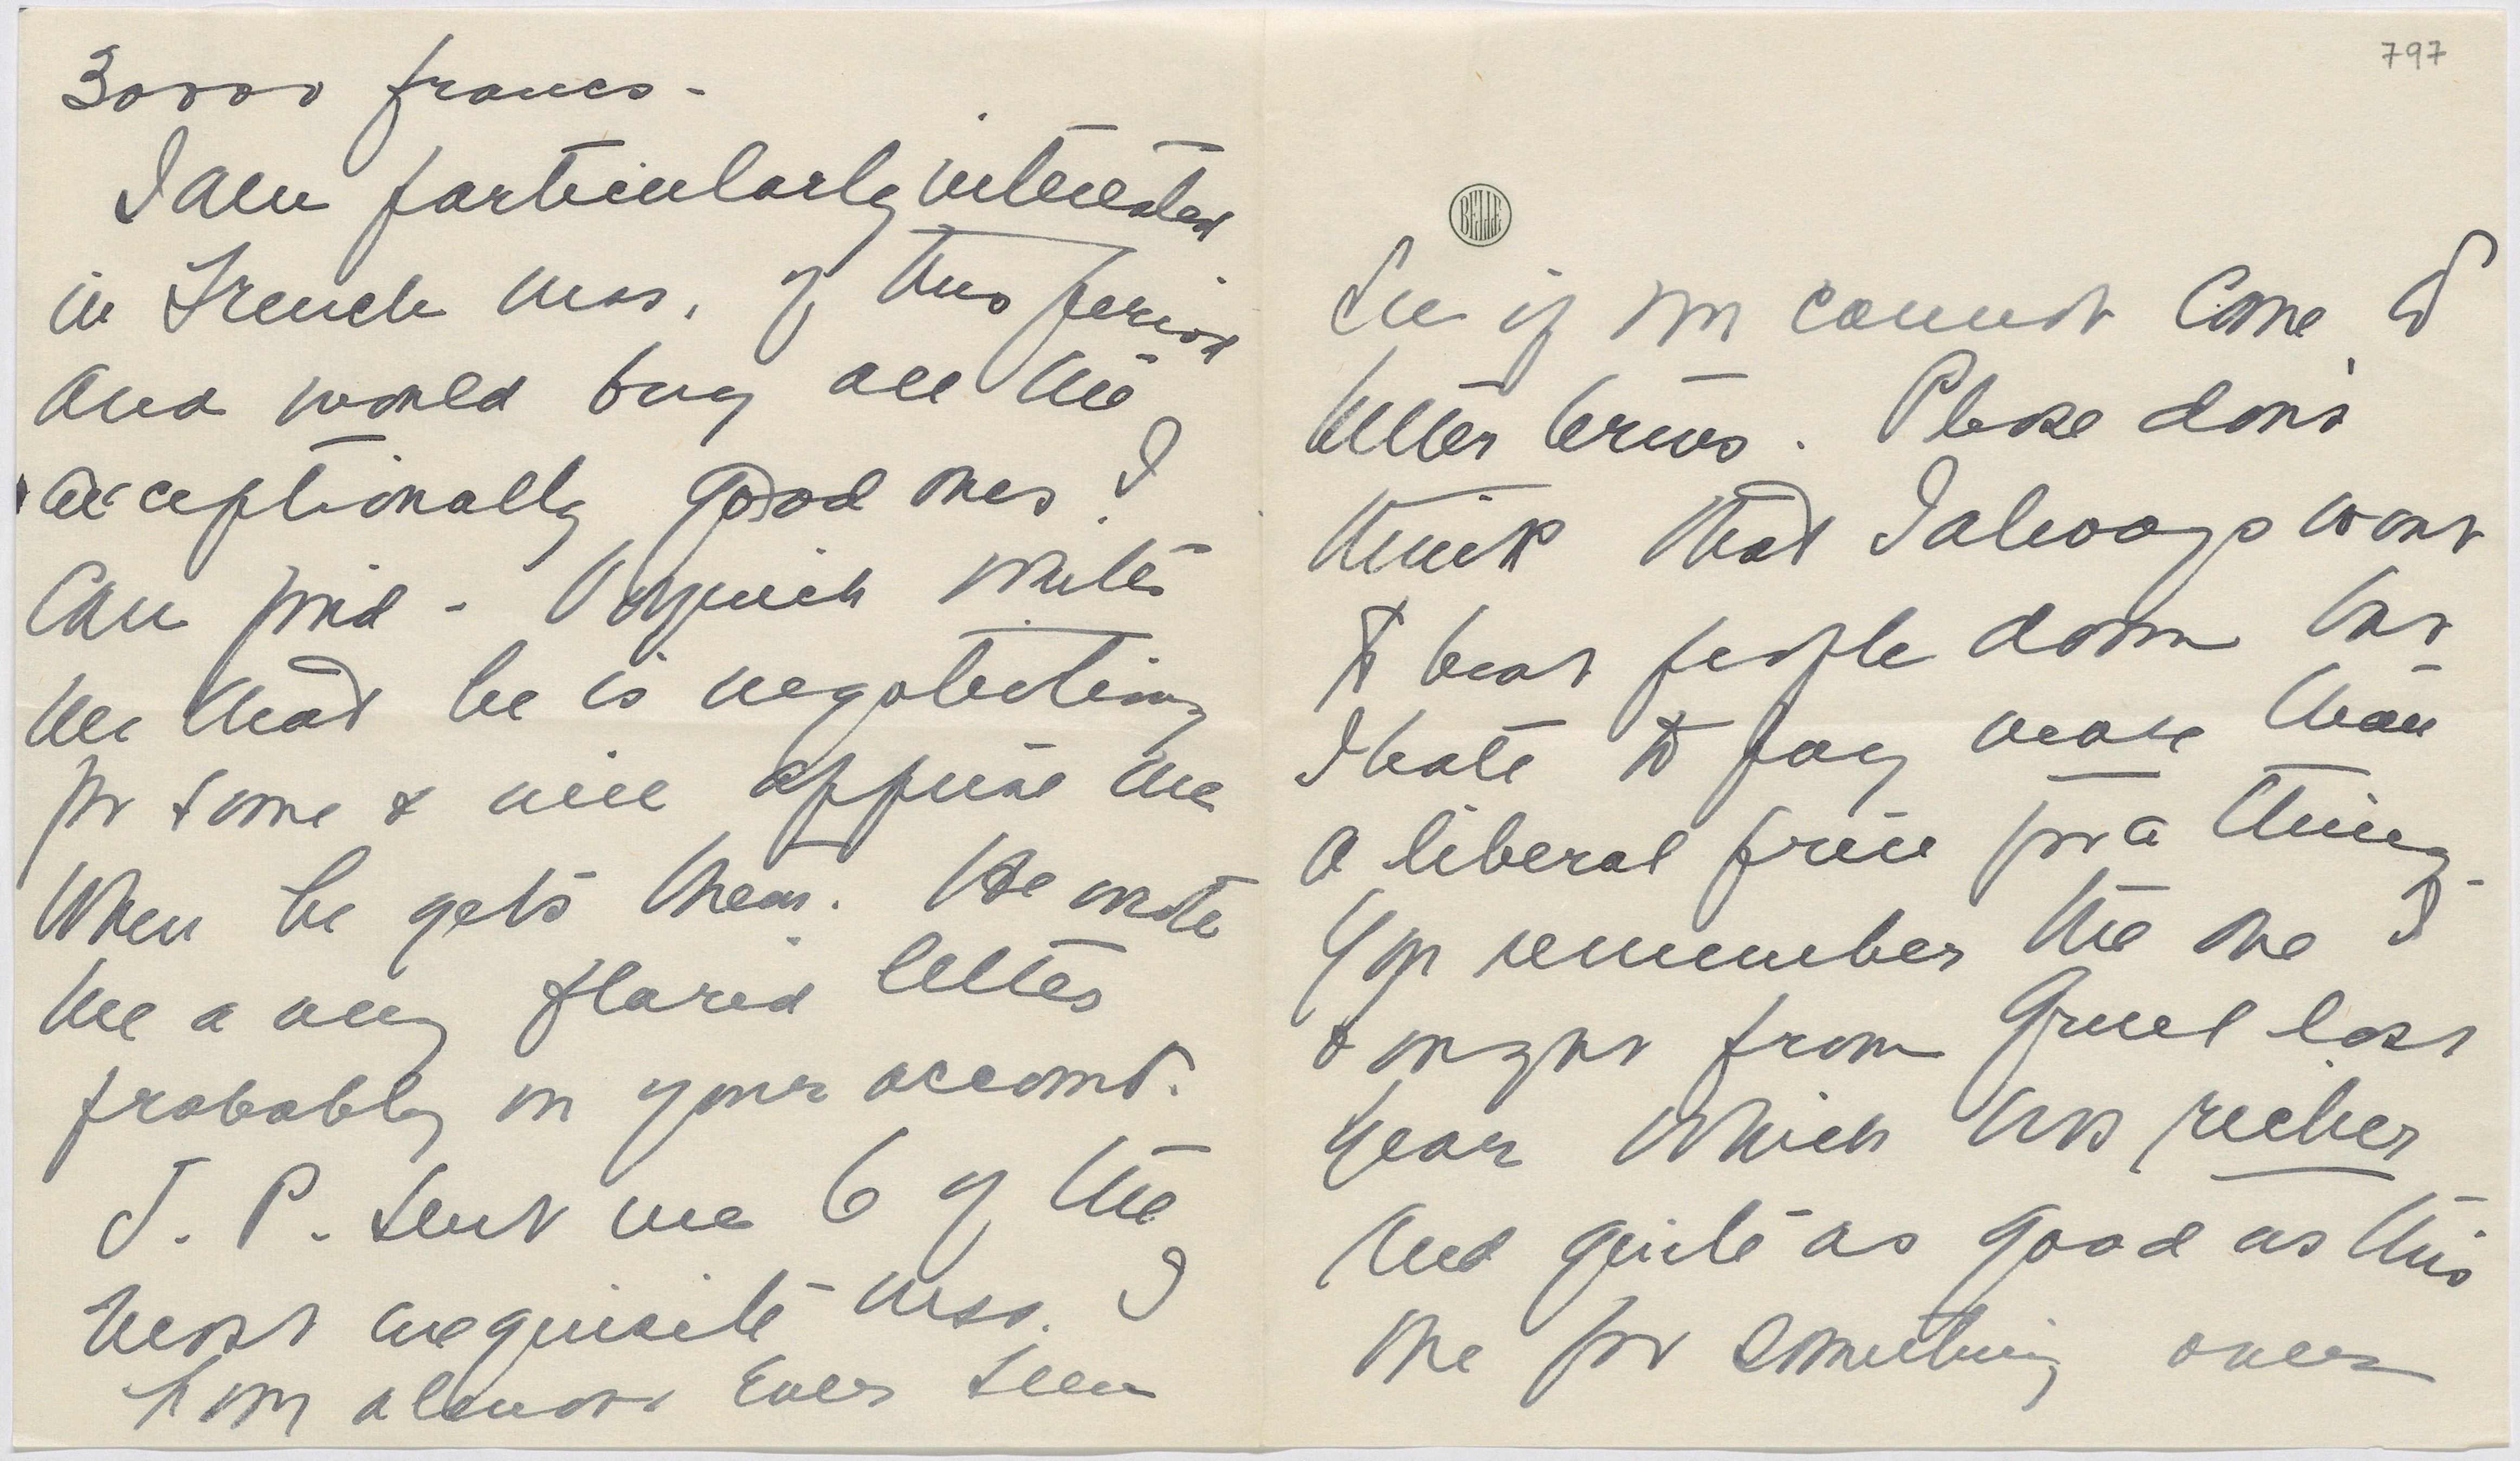see if we cannot come to better terms. Please don’t think that I always want to beat people down but I hate to pay more than a liberal price for a thing – You remember the one I bought from Gruel last year which was richer and quite as good as this one for something over
30000 francs –
I am particularly interested in French mss. of this period and would buy all the exceptionally good ones I can find – Voynich writes me that he is negotiating for some & will apprise me when he gets them. He wrote me a very florid letter probably on your account.
J. P. sent me 6 of the most exquisite mss. I have almost ever seen